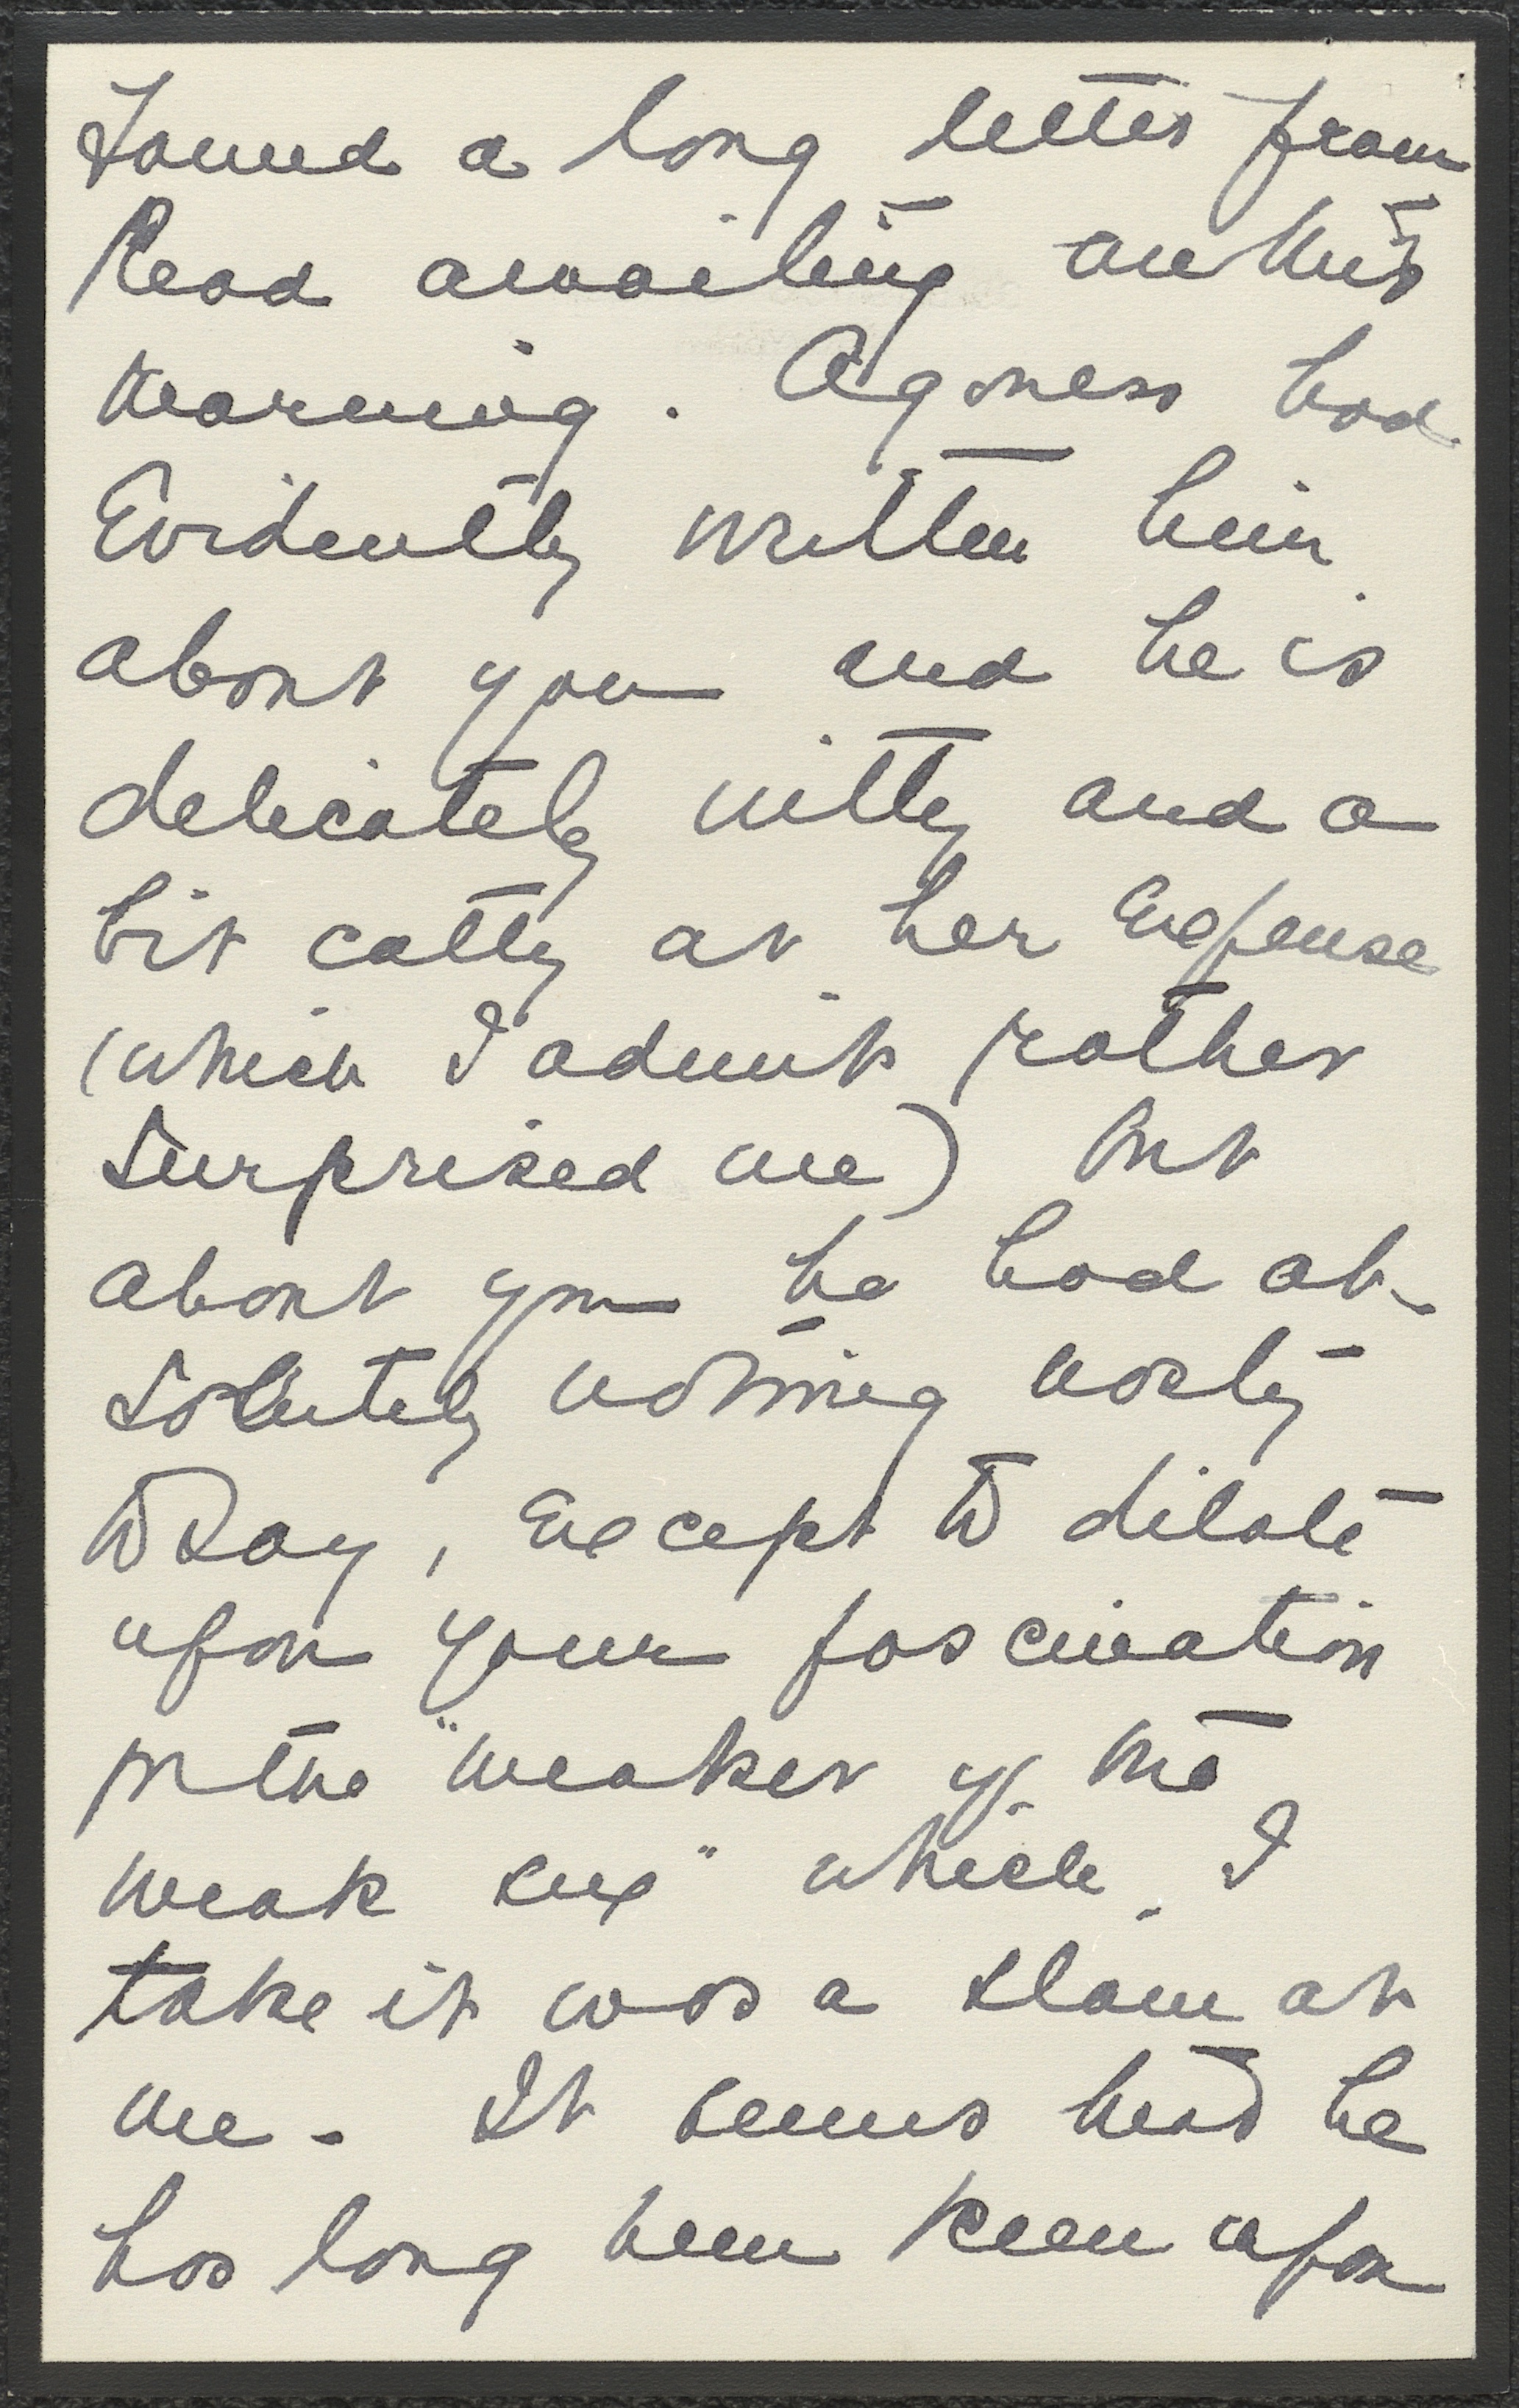Found a long letter from Read awaiting me this morning. Agoness had evidently written him about you and he is delicately witty and a bit catty at her expense (which I admit rather surprised me) but about you he had absolutely nothing nasty to say, except to dictate upon your fascination for the “weaker of the weak sex” which, I take it was a slam at me – It seems that he has long been keen upon